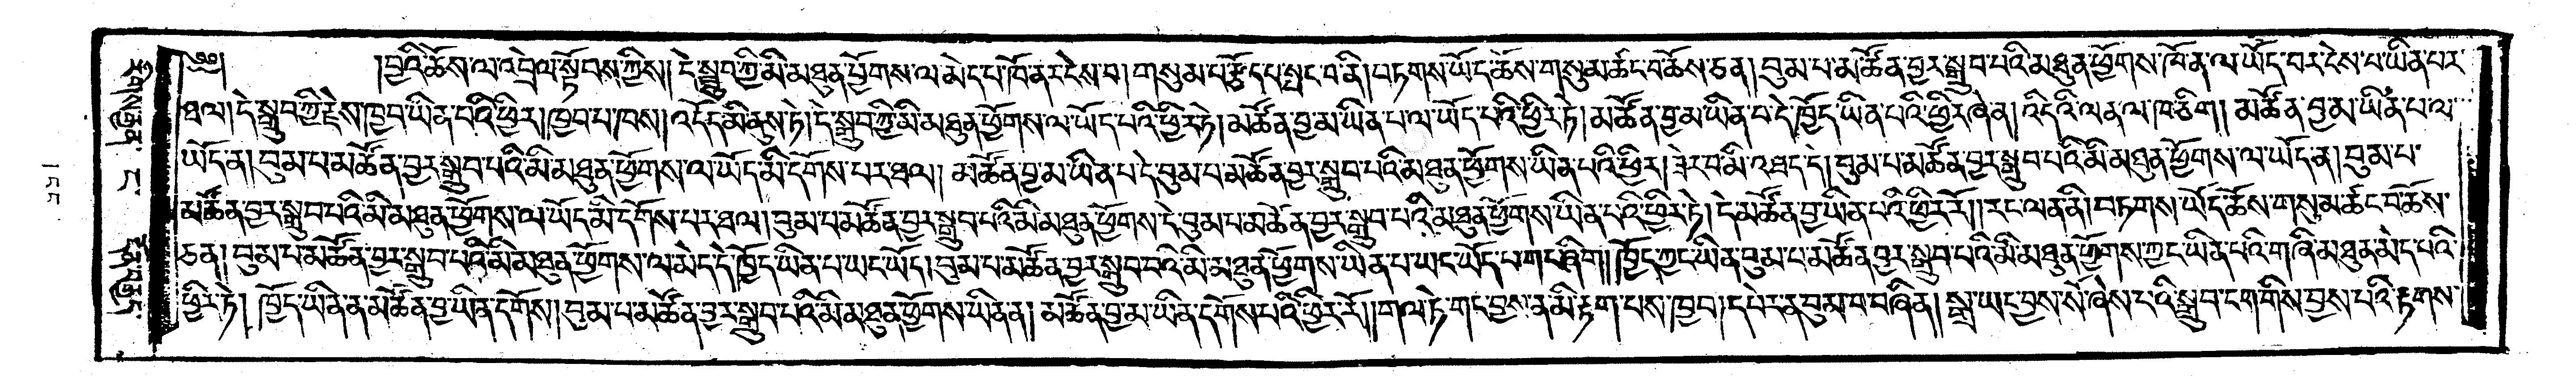༄༅། །བྱའི་ཆོས་ལ་འབྲེལ་སྟོབས་ཀྱིས། དེ་སྒྲུབ་ཀྱི་མི་མཐུན་ཕྱོགས་ལ་མེད་པ་ཁོ་ནར་ངེས་པ། གསུམ་པ་རྩོད་པ་སྤང་བ་ནི། བཏགས་ཡོད་ཆོས་གསུམ་ཚང་བ་ཆོས་ཅན། བུམ་པ་མཚོན་བྱར་སྒྲུབ་པའི་མཐུན་ཕྱོགས་ཁོ་ན་ལ་ཡོད་པར་ངེས་པ་ཡིན་པར་
ཐལ། དེ་སྒྲུབ་ཀྱི་རྗེས་ཁྱབ་ཡིན་པའི་ཕྱིར། ཁྱབ་པ་ཁས། འདོད་མི་ནུས་ཏེ། དེ་སྒྲུབ་ཀྱི་མི་མཐུན་ཕྱོགས་ལ་ཡོད་པའི་ཕྱིར་ཏེ། མཚོན་བྱ་མ་ཡིན་པ་ལ་ཡོད་པའི་ཕྱིར་ཏེ། མཚོན་བྱ་མ་ཡིན་པ་དེ་ཁྱོད་ཡིན་པའི་ཕྱིར་ཞེ་ན། འདིའི་ལན་ལ་ཁ་ཅིག །མཚོན་བྱ་མ་ཡིན་པ་ལ་
ཡོད་ན། བུམ་པ་མཚོན་བྱར་སྒྲུབ་པའི་མི་མཐུན་ཕྱོགས་ལ་ཡོད་མི་དགོས་པར་ཐལ། མཚོན་བྱ་མ་ཡིན་པ་དེ་བུམ་པ་མཚོན་བྱར་སྒྲུབ་པའི་མཐུན་ཕྱོགས་ཡིན་པའི་ཕྱིར། ཟེར་བ་མི་འཐད་དེ། བུམ་པ་མཚོན་བྱར་སྒྲུབ་པའི་མི་མཐུན་ཕྱོགས་ལ་ཡོད་ན། བུམ་པ་
མཚོན་བྱར་སྒྲུབ་པའི་མི་མཐུན་ཕྱོགས་ལ་ཡོད་མི་དགོས་པར་ཐལ། བུམ་པ་མཚོན་བྱར་སྒྲུབ་པའི་མི་མཐུན་ཕྱོགས་དེ་བུམ་པ་མཚོན་བྱར་སྒྲུབ་པའི་མཐུན་ཕྱོགས་ཡིན་པའི་ཕྱིར་ཏེ། དེ་མཚོན་བྱ་ཡིན་པའི་ཕྱིར་རོ། །རང་ལན་ནི། བཏགས་ཡོད་ཆོས་གསུམ་ཚང་བ་ཆོས་
ཅན། བུམ་པ་མཚོན་བྱར་སྒྲུབ་པའི་མི་མཐུན་ཕྱོགས་ལ་མེད་དེ་ཁྱེད་ཡིན་པ་ཡང་ཡོད། བུམ་པ་མཚོན་བྱར་སྒྲུབ་པའི་མི་མཐུན་ཕྱོགས་ཡིན་པ་ཡང་ཡོད་པ་གང་ཞིག །ཁྱོད་ཀྱང་ཡིན་བུམ་པ་མཚོན་བྱར་སྒྲུབ་པའི་མི་མཐུན་ཕྱོགས་ཀྱང་ཡིན་པའི་གཞི་མཐུན་མེད་པའི་
ཕྱིར་ཏེ། ཁྱོད་ཡིན་ན་མཚོན་བྱ་ཡིན་དགོས། བུམ་པ་མཚོན་བྱར་སྒྲུབ་པའི་མི་མཐུན་ཕྱོགས་ཡིན་ན། མཚོན་བྱ་མ་ཡིན་དགོས་པའི་ཕྱིར་རོ། །གལ་ཏེ་གང་བྱས་ན་མི་རྟག་པས་ཁྱབ། དཔེར་ན་བུམ་པ་བཞིན། སྒྲ་ཡང་བྱས་སོ་ཞེས་པའི་སྒྲུབ་ངག་གིས་བྱས་པའི་རྟགས་